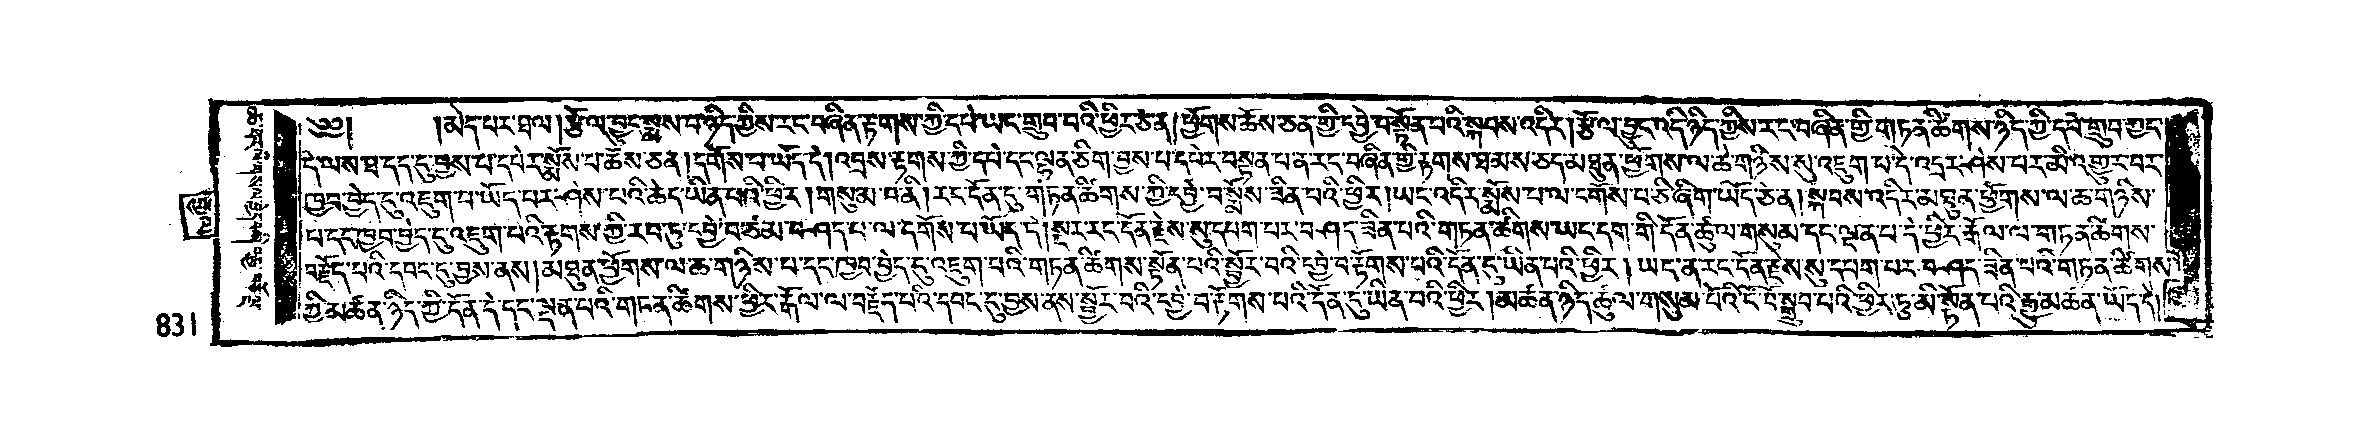༄༅། །མེད་པར་ཐལ། རྩོལ་བྱུང་སྨས་པ་ཉིད་ཀྱིས་རང་བཞིན་རྟགས་ཀྱི་དཔེ་ཡང་གྲུབ་པའི་ཕྱིར་ཅེ་ན། ཕྱོགས་ཆོས་ཅན་གྱི་དབྱེ་བ་སྟོན་པའི་སྐབས་འདིར། རྩོལ་བྱུང་འདི་ཉིད་ཀྱིས་རང་བཞིན་གྱི་གཏན་ཚིགས་ཉིད་ཀྱི་དཔེ་གྲུབ་ཀྱང་
དེ་ལས་ཐ་དད་དུ་བྱས་པ་དཔེར་སྨོས་པ་ཆོས་ཅན། དགོས་པ་ཡོད་དེ། འབྲས་རྟགས་ཀྱི་དཔེ་དང་ལྷན་ཅིག་བྱས་པ་དཔེར་བསྟན་པ་ན་རང་བཞིན་གྱི་རྟགས་ཐམས་ཅད་མཐུན་ཕྱོགས་ལ་ཆ་གཉིས་སུ་འཇུག་པ་དེ་འདྲར་ཤེས་པར་མི་འགྱུར་བར་
ཁྱབ་བྱེད་དུ་འཇུག་པ་ཡོད་པར་ཤེས་པའི་ཆེད་ཡིན་པའི་ཕྱིར། གསུམ་པ་ནི། རང་དོན་དུ་གཏན་ཚིགས་ཀྱི་དབྱེ་བ་སྨོས་ཟིན་པའི་ཕྱིར། ཡང་འདིར་སྨོས་པ་ལ་དགོས་པ་ཅི་ཞིག་ཡོད་ཅེ་ན། སྐབས་འདིར་མཐུན་ཕྱོགས་ལ་ཆ་གཉིས་
པ་དང་ཁྱབ་བྱེད་དུ་འཇུག་པའི་རྟགས་ཀྱི་རབ་ཏུ་དབྱེ་བ་ཙམ་བཤད་པ་ལ་དགོས་པ་ཡོད་དེ། སྔར་རང་དོན་རྗེས་སུ་དཔག་པར་བཤད་ཟིན་པའི་གཏན་ཚིགས་ཡང་དག་གི་དོན་ཚུལ་གསུམ་དང་ལྡན་པ་དེ་ཕྱིར་རྒོལ་ལ་གཏན་ཚིགས་
བརྗོད་པའི་དབང་དུ་བྱས་ནས། མཐུན་ཕྱོགས་ལ་ཆ་གཉིས་པ་དང་ཁྱབ་བྱེད་དུ་འཇུག་པའི་གཏན་ཚིགས་སྟོན་པའི་སྦྱོར་བའི་དབྱེ་བ་རྟོགས་པའི་དོན་དུ་ཡིན་པའི་ཕྱིར། ཡང་ན་རང་དོན་རྗེས་སུ་དཔག་པར་བཤད་ཟིན་པའི་གཏན་ཚིགས་
ཀྱི་མཚན་ཉིད་ཀྱི་དོན་དེ་དང་ལྡན་པའི་གཏན་ཚིགས་ཕྱིར་རྒོལ་ལ་བརྗོད་པའི་དབང་དུ་བྱས་ནས་སྦྱོར་བའི་དབྱེ་བ་རྟོགས་པའི་དོན་དུ་ཡིན་པའི་ཕྱིར། མཚན་ཉིད་ཚུལ་གསུམ་པོའི་ངོ་བོ་སྒྲུབ་པའི་ཕྱིར་ཏུ་མི་སྟོན་པའི་རྒྱུ་མཚན་ཡོད་དེ།